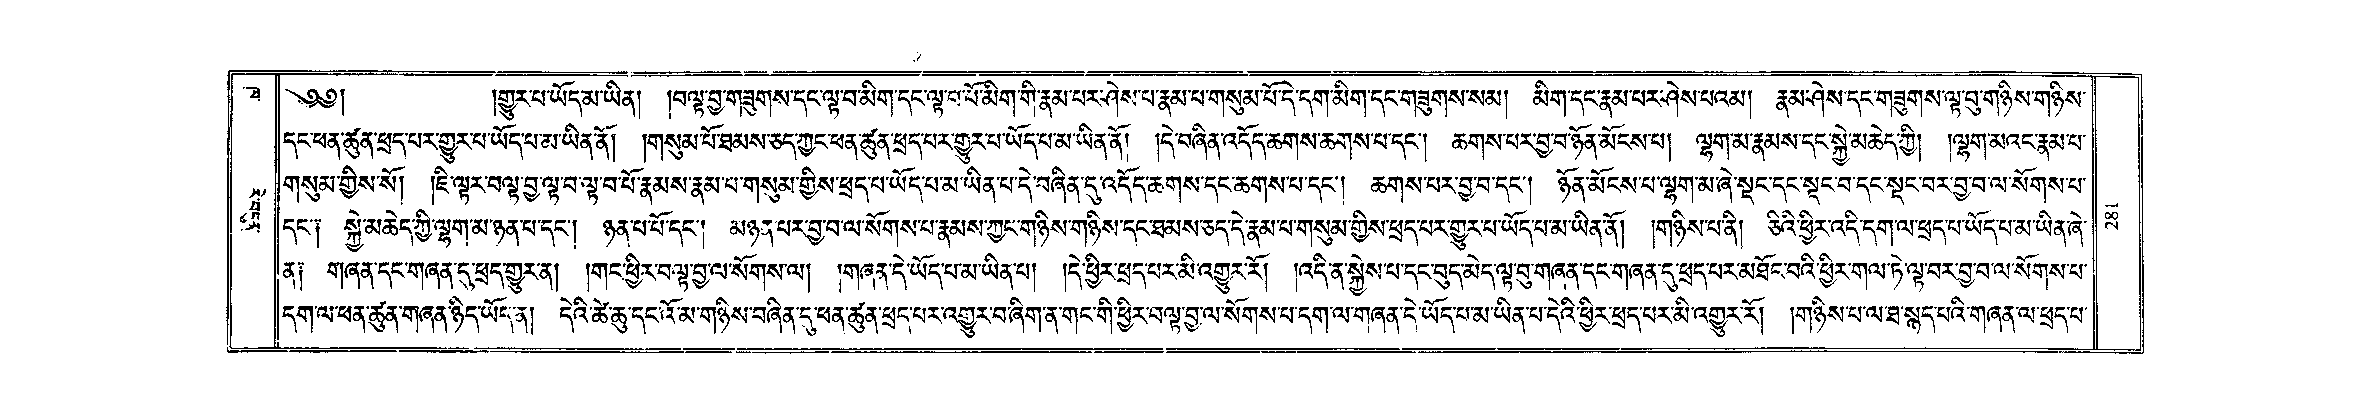༄༅། །གྱུར་པ་ཡོད་མ་ཡིན། །བལྟ་བྱ་གཟུགས་དང་ལྟ་བ་མིག་དང་ལྟ་བ་པོ་མིག་གི་རྣམ་པར་ཤེས་པ་རྣམ་པ་གསུམ་པོ་དེ་དག་མིག་དང་གཟུགས་སམ། མིག་དང་རྣམ་པར་ཤེས་པའམ། རྣམ་ཤེས་དང་གཟུགས་ལྟ་བུ་གཉིས་གཉིས་
དང་ཕན་ཚུན་ཕྲད་པར་གྱུར་པ་ཡོད་པ་མ་ཡིན་ནོ། །གསུམ་པོ་ཐམས་ཅད་ཀྱང་ཕན་ཚུན་ཕྲད་པར་གྱུར་པ་ཡོད་པ་མ་ཡིན་ནོ། །དེ་བཞིན་འདོད་ཆགས་ཆགས་པ་དང་། ཆགས་པར་བྱ་བ་ཉོན་མོངས་པ། ལྷག་མ་རྣམས་དང་སྐྱེ་མཆེད་ཀྱི། །ལྷག་མའང་རྣམ་པ་
གསུམ་གྱིས་སོ། །ཇི་ལྟར་བལྟ་བྱ་ལྟ་བ་ལྟ་བ་པོ་རྣམས་རྣམ་པ་གསུམ་གྱིས་ཕྲད་པ་ཡོད་པ་མ་ཡིན་པ་དེ་བཞིན་དུ་འདོད་ཆགས་དང་ཆགས་པ་དང་། ཆགས་པར་བྱ་བ་དང་། ཉོན་མོངས་པ་ལྷག་མ་ཞེ་སྡང་དང་སྡང་བ་དང་སྡང་བར་བྱ་བ་ལ་སོགས་པ་
དང༑ སྐྱེ་མཆེད་ཀྱི་ལྷག་མ་ཉན་པ་དང་། ཉན་པ་པོ་དང་། མཉན་པར་བྱ་བ་ལ་སོགས་པ་རྣམས་ཀྱང་གཉིས་གཉིས་དང་ཐམས་ཅད་དེ་རྣམ་པ་གསུམ་གྱིས་ཕྲད་པར་གྱུར་པ་ཡོད་པ་མ་ཡིན་ནོ། །གཉིས་པ་ནི། ཅིའི་ཕྱིར་འདི་དག་ལ་ཕྲད་པ་ཡོད་པ་མ་ཡིན་ཞེ་
ན༑ གཞན་དང་གཞན་དུ་ཕྲད་གྱུར་ན། །གང་ཕྱིར་བལྟ་བྱ་ལ་སོགས་ལ། །གཞན་དེ་ཡོད་པ་མ་ཡིན་པ། །དེ་ཕྱིར་ཕྲད་པར་མི་འགྱུར་རོ། །འདི་ན་སྐྱེས་པ་དང་བུད་མེད་ལྟ་བུ་གཞན་དང་གཞན་དུ་ཕྲད་པར་མཐོང་བའི་ཕྱིར་གལ་ཏེ་ལྟ་བར་བྱ་བ་ལ་སོགས་པ་
དག་ལ་ཕན་ཚུན་གཞན་ཉིད་ཡོད་ན། དེའི་ཚེ་ཆུ་དང་འོ་མ་གཉིས་བཞིན་དུ་ཕན་ཚུན་ཕྲད་པར་འགྱུར་བ་ཞིག་ན་གང་གི་ཕྱིར་བལྟ་བྱ་ལ་སོགས་པ་དག་ལ་གཞན་དེ་ཡོད་པ་མ་ཡིན་པ་དེའི་ཕྱིར་ཕྲད་པར་མི་འགྱུར་རོ། །གཉིས་པ་ལ་ཐ་སྙད་པའི་གཞན་ལ་ཕྲད་པ་